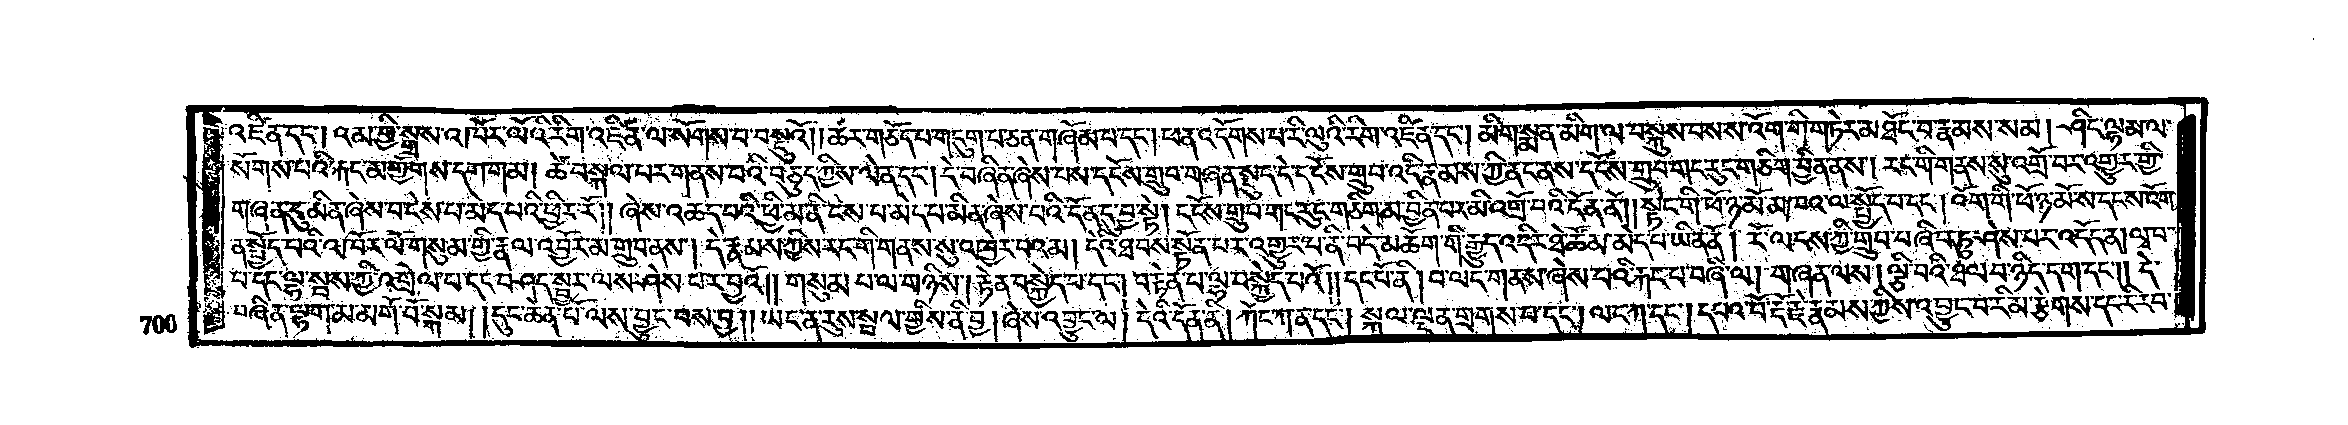འཛིན་དང་། འམ་གྱི་སྒྲས་འཁོར་ལོའི་རིག་འཛིན་ལ་སོགས་པ་བསྡུའོ། །ཚར་གཅོད་པ་གདུག་པ་ཅན་གཞོམ་པ་དང་། ཕན་འདོགས་པ་རི་ལུའི་རིག་འཛིན་དང་། མིག་སྨན་མིག་ལ་བསྐུས་པས་ས་འོག་གི་གཏེར་མཐོང་བ་རྣམས་སམ། ཤིང་ལྷམ་ལ་
སོགས་པའི་རྐང་མགྱོགས་དག་གམ། ཚེ་བསྐལ་པར་གནས་པའི་བཅུད་ཀྱིས་ལེན་དང་། དེ་བཞིན་ཞེས་པས་དངོས་གྲུབ་གཞན་སྡུད་དེ་དངོས་གྲུབ་འདི་རྣམས་ཀྱི་ནང་ནས་དངོས་གྲུབ་གང་རུང་གཅིག་བྱིན་ནས། རང་གི་གནས་སུ་འགྲོ་བར་འགྱུར་གྱི་
གཞན་དུ་མིན་ཞེས་བ་ངེས་པ་མེད་པའི་ཕྱིར་རོ། །ཞེས་འཆད་པའི་ཕྱི་མ་ནི་ངེས་པ་མེད་པ་མིན་ཞེས་པའི་དོན་དུ་བྱ་སྟེ། དངོས་གྲུབ་གང་རུང་གཅིག་མ་བྱིན་པར་མི་འགྲོ་བའི་དོན་ནོ། །སྟེང་གི་ཕོ་ཉ་མོ་མཁའ་ལ་སྤྱོད་པ་དང་། འོག་གི་ཕོ་ཉ་མོ་ས་དང་ས་འོག་
ན་སྤྱོད་པའི་འཁོར་ལོ་གསུམ་གྱི་རྣལ་འབྱོར་མ་གྲུབ་ནས། དེ་རྣམས་ཀྱིས་རང་གི་གནས་སུ་འཁྱེར་བའམ། དེའི་ཐབས་སྟོན་པར་འགྱུར་བ་ནི་བདེ་མཆོག་གི་རྒྱུད་འདིར་ཐེ་ཚོམ་མེད་པ་ཡིན་ནོ། རོ་ལངས་ཀྱི་གྲུབ་པ་ཞིབ་ཏུ་ཤེས་པར་འདོད་ན། ལྭ་བ་
པ་དང་ལྷ་སྦས་ཀྱི་འགྲེལ་པ་དང་བཤད་སྦྱར་ལས་ཤེས་པར་བྱའོ། །གསུམ་པ་ལ་གཉིས། རྟེན་བསྐྱེད་པ་དང་། བརྟེན་པ་ལྷ་བསྐྱེད་པའོ། །དང་པོ་ནི། བ་ལང་གནས་ཞེས་པའི་རྐང་པ་བཞི་ལ། གཞན་ལས། ལྕི་བའི་ཐལ་བ་ཉིད་དག་དང་། །དེ་
བཞིན་ལྷག་མ་མགོ་བོ་སྐམ། །དུང་ཆེན་པོ་ལས་བྱུང་བས་བྱ། །ཡང་ན་རུས་སྦལ་གྱིས་ནི་བྱ། ཞེས་འབྱུང་ལ། དེའི་དོན་ནི། ཀོང་ཀ་ན་དང་། སྐལ་ལྡན་གྲགས་པ་དང་། ལང་ཀ་དང་། དཔའ་བོ་རྡོ་རྗེ་རྣམས་ཀྱིས་འབྱུང་བ་རིམ་རྩེགས་དང་རི་རབ་